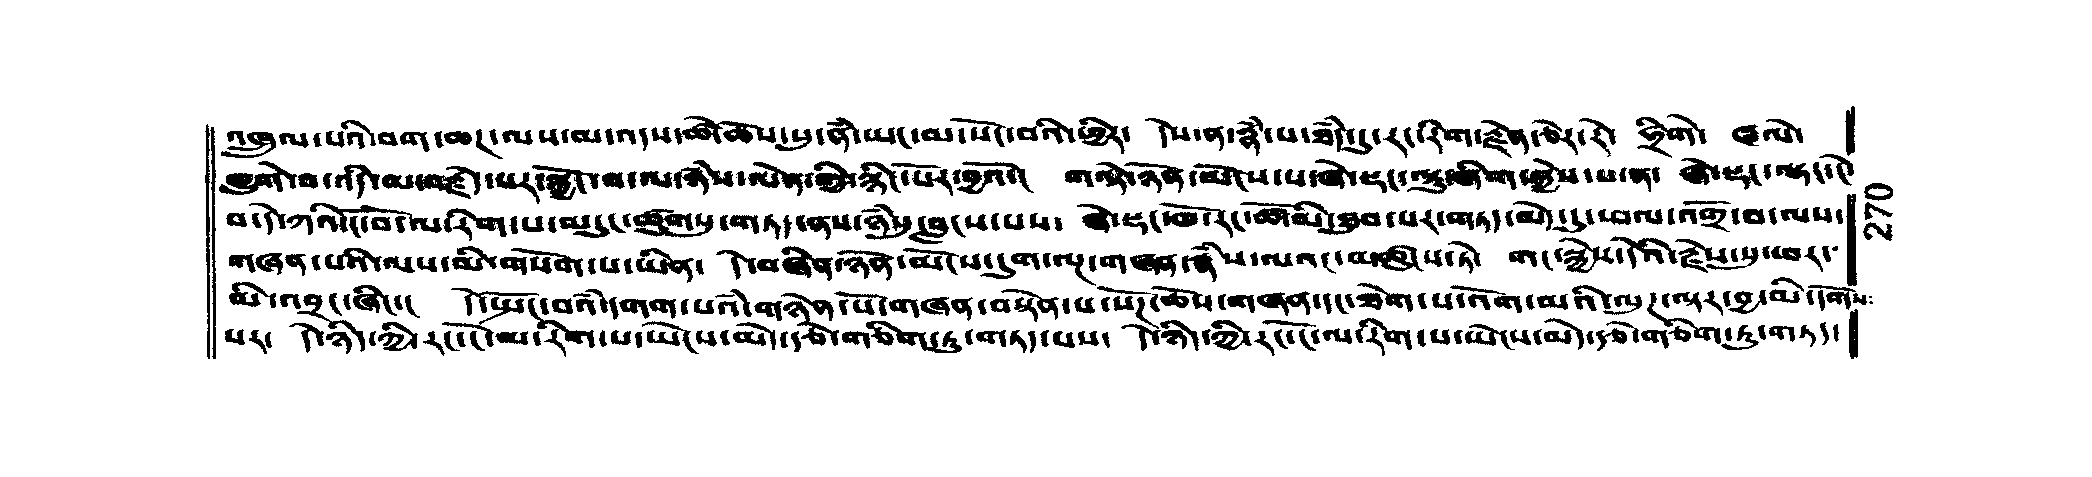འཁྲུལ་པའི་བག་ཆགས་ལས་མ་འདས་ཚེ་ཆོས་སུ་ནམ་ཡང་མ་སོང་བའི་ཕྱིར། དེས་ན་རྣམ་པ་ཐམས་ཅད་དུ་རང་རིག་རྗེན་ཅེར་རེ། ཧྲི་གེ ཝ་ལེ། 
ཁྱུག་གེ་བ་འདི་མ་བརྗེད་པར་སྐྱོང་པ་ལ་ཉམས་ལེན་གྱི་སྙིང་པོར་བྱའོ། གལ་ཏེ་ཉོན་མོངས་པ་ཞེ་སྡང་ལྟ་བུ་ཞིག་སྐྱེས་པ་ན། ཞེ་སྡང་ལྷང་ངེ་
བ་དེ་ཀའི་ངོ་བོ་ལ་རིག་པ་མདུང་ཚུགས་སུ་གཏད་ནས་ཉམས་སུ་བླངས་པས། ཞེ་སྡང་ཁོ་རང་ཚོ་མི་ཐུབ་པར་གཏད་མེད་དུ་ཡལ་འགྲོ་བ་ལས་
གཞན་པའི་ལས་མི་གསོག་པ་ཡིན། དེ་བཞིན་ཉོན་མོངས་དུག་ལྔ་གཞན་རྣམས་ལའང་མཚུངས་པ་སྟེ། གང་སྐྱེས་དེའི་རྗེས་སུ་ཕར་
མི་འབྲང་ཞིང་། དེ་སྤོང་བའི་དགག་པའམ་གཉེན་པོ་གཞན་བསྟན་པ་སོགས་ཆོས་གཞན་དང་ཐེག་པ་འོག་མའི་ལུགས་ལྟར་བྱ་མི་དགོས་
པར། དེ་ཉིད་ཀྱི་རང་ངོ་ལ་རིག་པ་ཡེངས་མེད་རྩེ་གཅིག་ཏུ་གཏད་